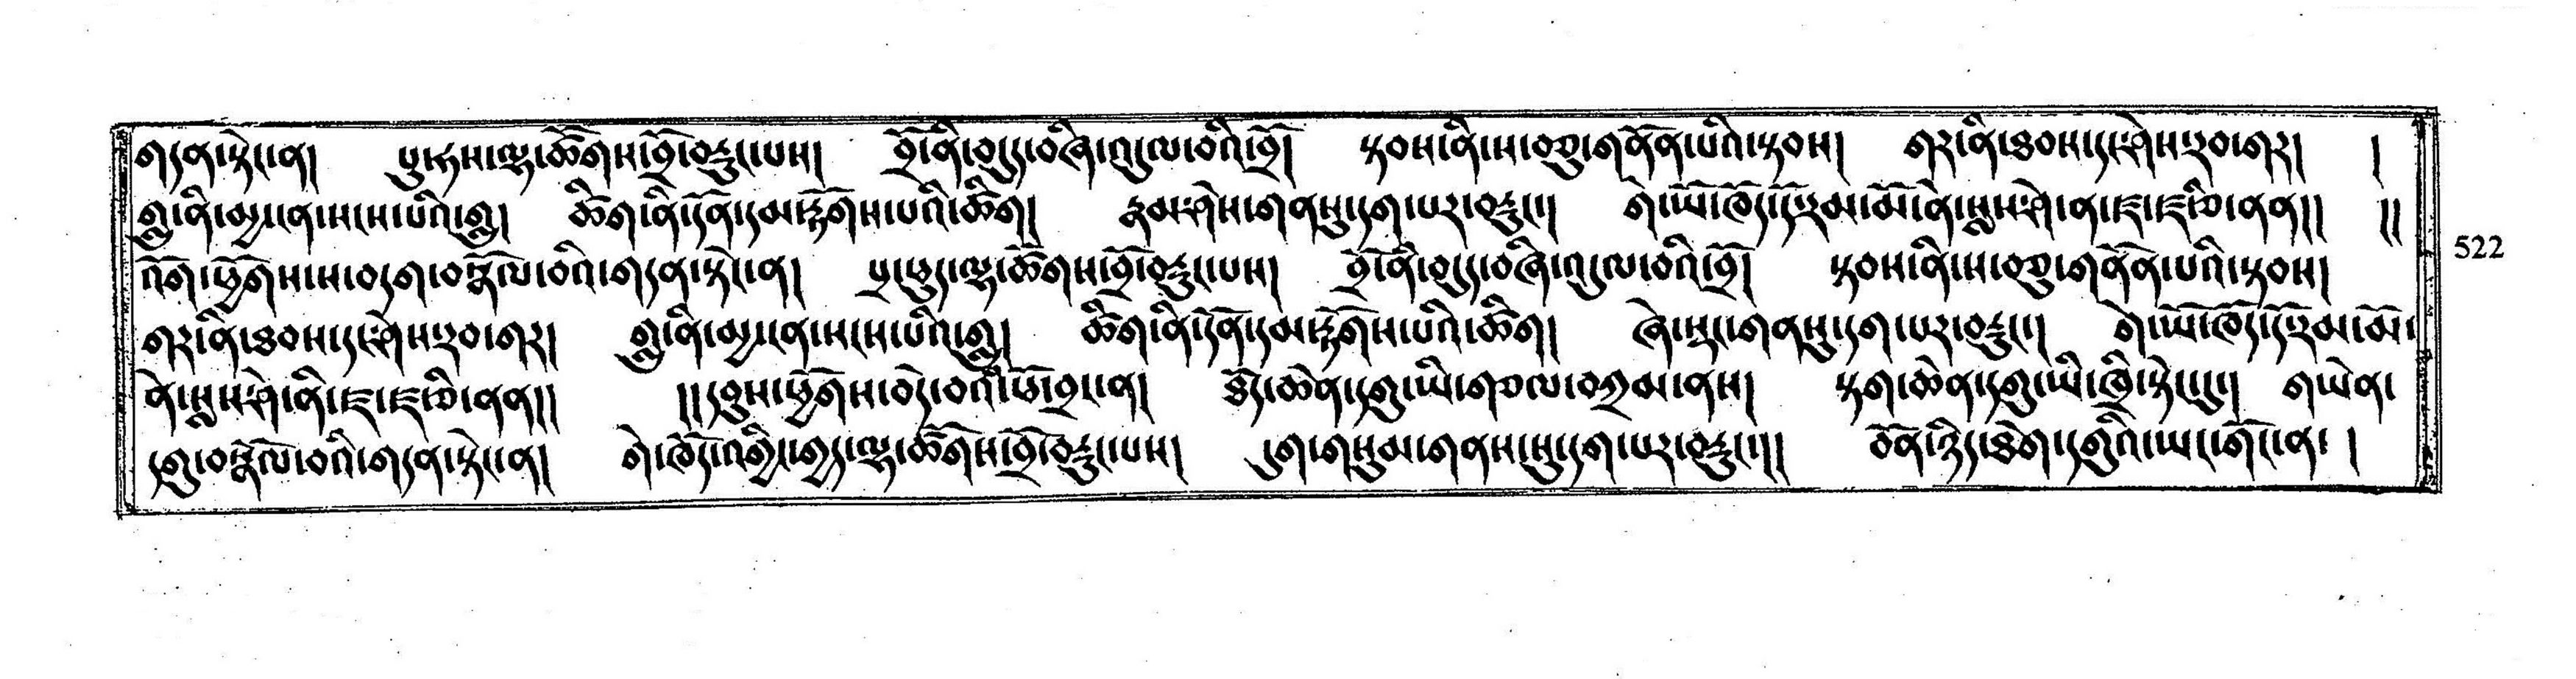གདན་སྟེང་ན། པུ་ཧས་ལྷ་ཚོགས་བྲོ་བརྡུང་པས། བྲོ་ནི་བདུད་བཞི་འདུལ་བའི་བྲོ། སྟབས་ནི་ས་བཅུ་གནོན་པའི་སྟབས། གར་ནི་ཐབས་དང་ཤེས་རབ་གར། 
གླུ་ནི་མྱ་ངན་སངས་པའི་གླུ། ཚིག་ནི་དོན་དམ་རྟོགས་པའི་ཚིག རྣམ་ཤེས་གནས་སུ་དག་པར་བརྡུང་། གེ་ཡོ་ཁོད་དོ་རམ་མོ་ནེ་སླས་ཤེ་ན་ཛ་ཛ་ཅི་ནན།། །།
འོག་ཕྱོགས་ས་བདག་བསྣོལ་བའི་གདན་སྟེང་ན། པྲ་ཕུད་ལྷ་ཚོགས་བྲོ་བརྡུང་པས། བྲོ་ནི་བདུད་བཞི་འདུལ་བའི་བྲོ། སྟབས་ནི་ས་{538}བཅུ་གནོན་པའི་སྟབས། 
གར་ནི་ཐབས་དང་ཤེས་རབ་གར། གླུ་ནི་མྱ་ངན་སངས་པའི་གླུ། ཚིག་ནི་དོན་དམ་རྟོགས་པའི་ཚིག ཞེ་སྡང་གནས་སུ་དག་པར་བརྡུང་། གེ་ཡོ་ཁོད་དོ་རམ་མོ་
ནེ་སླས་ཤེ་ནི་ཛ་ཛ་ཅི་ནན།། །།དབུས་ཕྱོགས་བདེ་བའི་ཕོ་བྲང་ན། ཐོད་ཆེན་དགུ་ཡི་གཅལ་བཀྲམ་ནས། སྟག་ཆེན་དགུ་ཡི་ཁྲི་སྟེང་དུ། གཡེན་
དགུ་བསྣོལ་བའི་གདན་སྟེང་ན། གེ་ཁོད་འགྱིང་གྱད་ལྷ་ཚོགས་བྲོ་བརྡུང་པས། དུག་གསུམ་གནས་སུ་དག་པར་བརྡུང་།། བོན་ཉིད་ཐེག་དགུའི་ཡང་གོང་ནས།